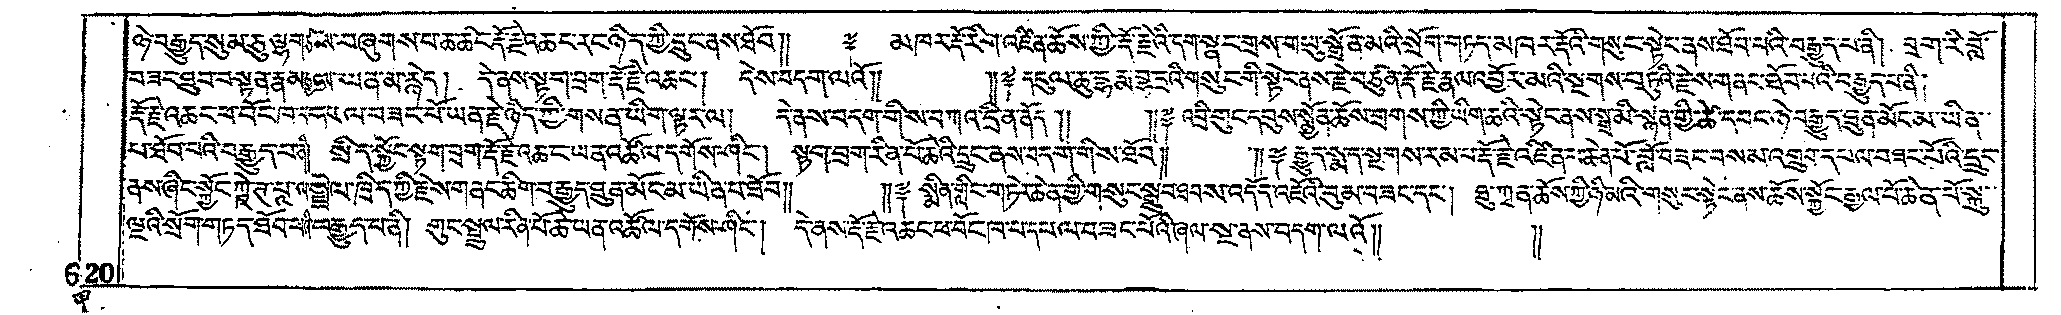ཉེ་བརྒྱུད་སུམ་ཅུ་ལྷག་ཙམ་བཞུགས་པ་ཆ་ཆིང་རྡོ་རྗེ་འཆང་རང་ཉིད་ཀྱི་དྲུང་ནས་ཐོབ།། འྨྑར་རྡོ་རིག་འཛིན་ཆོས་ཀྱི་རྡོ་རྗེའི་དག་སྣང་གྲས་གཡུ་སྒྲོན་མའི་སྲོག་གཏད་མཁར་རྡོའི་གསུང་སྟེང་ནས་ཐོབ་པའི་བརྒྱུད་པ་ནི། བྲག་རི་བློ་
བཟང་ཐུབ་བསྟན་རྣམ་རྒྱལ་ཡན་མ་རྙེད། དེ་ནས་སྟག་བྲག་རྡོ་རྗེ་འཆང་། དེས་བདག་ལའོ།། །།འདྔུལ་ཆུ་དྷརྨ་བྷ་དྲའི་གསུང་གི་སྟེང་ནས་རྗེ་བཙུན་རྡོ་རྗེ་རྣལ་འབྱོར་མའི་སྔགས་བཏུའི་རྗེས་གནང་ཐོབ་པའི་བརྒྱུད་པ་ནི།
རྡོ་རྗེ་འཆང་ཕ་བོང་ཁ་པ་དཔལ་བཟང་པོ་ཡན་རྗེ་ཉིད་ཀྱི་གསན་ཡིག་ལྟར་ལ། དེ་ནས་བདག་གིས་བཀའ་དྲིན་ནོད།། །།འྰྦྲི་གུང་དབུས་སྨྱོན་ཆོས་གྲགས་ཀྱི་ཡིག་ཆའི་སྟེང་ནས་སྒྲ་མི་སྙན་གྱི་ཚེ་དབང་ཉེ་བརྒྱུད་ཐུན་མོང་མ་ཡིན་
པ་ཐོབ་པའི་བརྒྱུད་པ་ནི། སྲིད་སྐྱོང་སྟག་བྲག་རྡོ་རྗེ་འཆང་ཡན་འཚོལ་དགོས་ཤིང་། སྟག་བྲག་རིན་པོ་ཆེའི་དྲུང་ནས་བདག་གིས་ཐོབ།། །།འྲྒྱུད་སྨད་སྔགས་རིམ་པ་རྡོ་རྗེ་འཛིན་པ་ཆེན་པོ་བློ་བཟང་བསམ་འགྲུབ་དཔལ་བཟང་པོའི་དྲུང་
ནས་ཞིང་སྐྱོང་ཀྵེ་ཊ་པཱ་ལ་སྤྲེལ་ཁྲིད་ཀྱི་རྗེས་གནང་ཆིག་བརྒྱུད་ཐུན་མོང་མ་ཡིན་པ་ཐོབ།། །།འྶྨིན་གླིང་གཏེར་ཆེན་གྱི་གསུང་སྒྲུབ་ཐབས་འདོད་འཇོའི་བུམ་བཟང་དང་། ཐུ་ཀྭན་ཆོས་ཀྱི་ཉི་མའི་གསུང་སྟེང་ནས་ཆོས་སྐྱོང་རྒྱལ་པོ་ཆེན་པོ་སྐུ་
ལྔའི་སྲོག་གཏད་ཐོབ་པའི་བརྒྱུད་པ་ནི། གུང་སྤྲུལ་རིན་པོ་ཆེ་ཡན་འཚོལ་དགོས་ཤིང་། དེ་ནས་རྡོ་རྗེ་འཆང་ཕ་བོང་ཁ་པ་དཔལ་བཟང་པོའི་ཞལ་སྔ་ནས་བདག་ལའོ།། །།